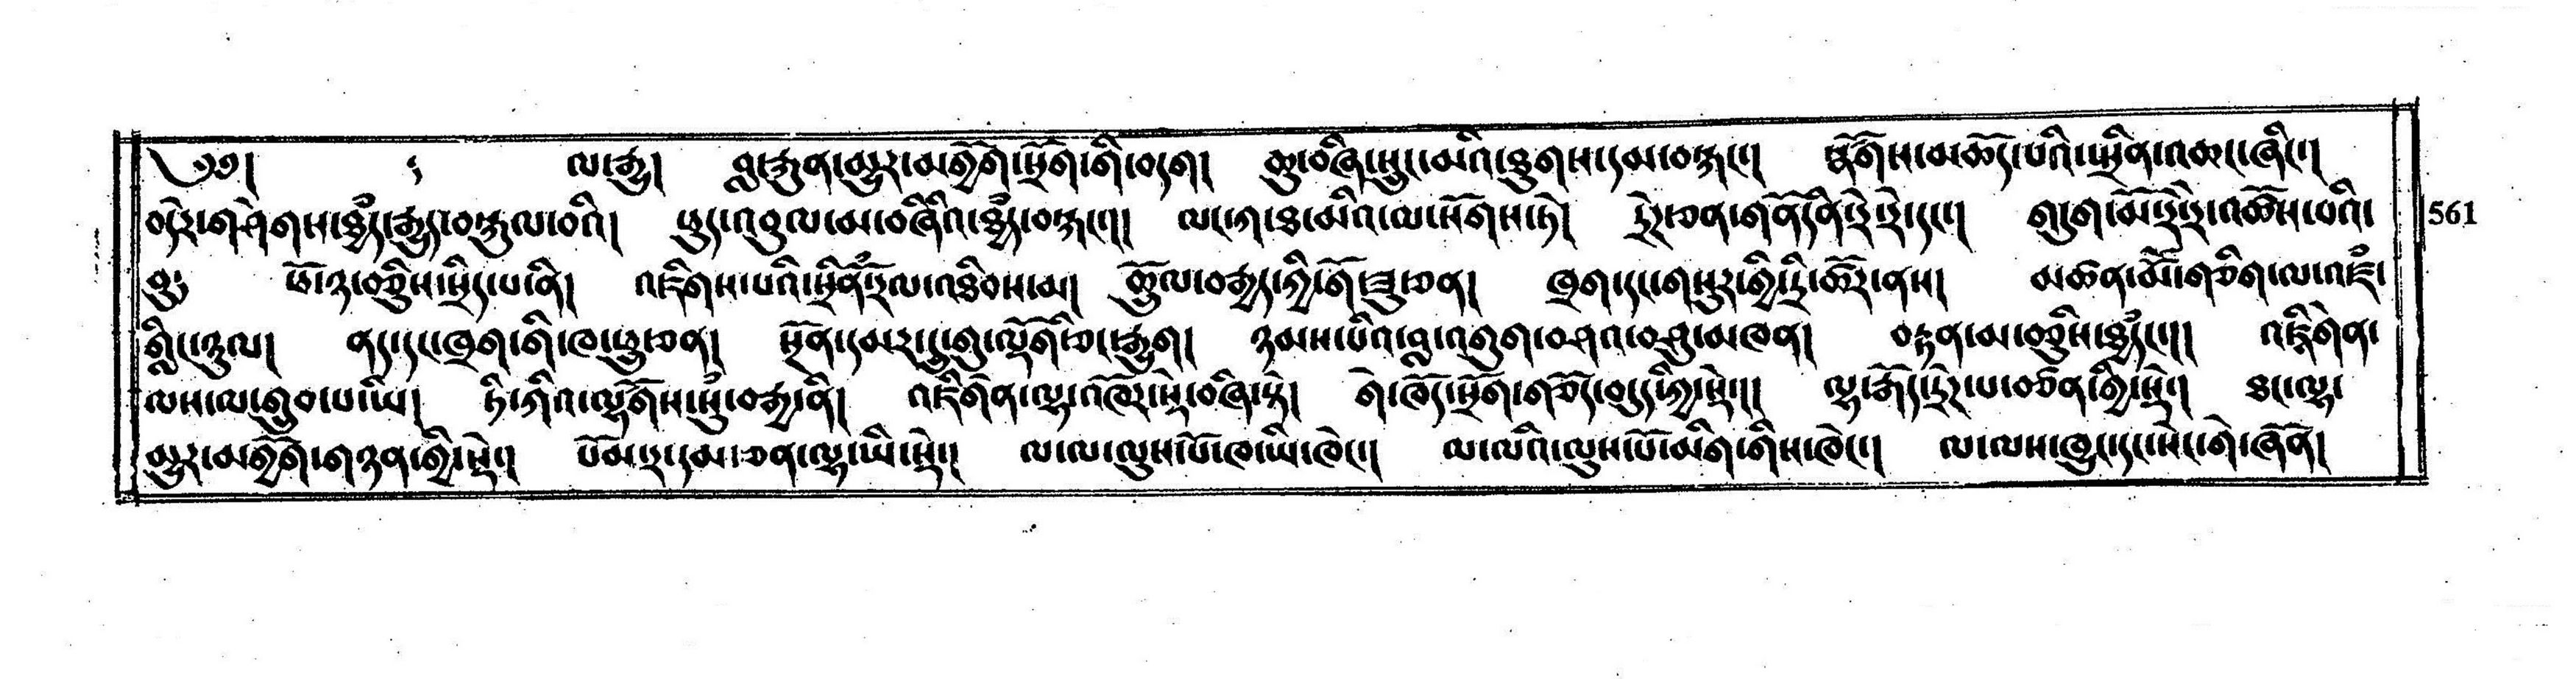ལ་རྒྱུ། བླ་རྐུན་མྱུར་མགྱོག་སྲོག་གི་བདག ཆུ་བཞི་སྲུང་མའི་ཐུགས་དམ་བསྐང་། སྣ་ཚོགས་མཆོད་པའི་སྤྲིན་འཆང་ཞིང་། 
བདེར་གཤེགས་ཐུགས་དམ་རྒྱུད་བསྐུལ་བའི། ཕུད་འབུལ་མ་བཞིའི་ཐུགས་དམ་བསྐང་།། ལང་ཀ་ཐ་མའི་ལ་སོགས་ཏེ། དྲེགས་ཅན་གནོད་སྦྱིན་རེ་རེ་དང་། གདུག་མོ་རེ་རེ་འཚོས་པའི་
བུ། ཕོ་ཉ་བཅུ་གཉིས་སྲིད་པ་ནི། འཇིགས་པའི་སྲིན་མོ་རལ་འཐིབས་མ། ཆོ་འཕྲུལ་བརྒྱད་ཀྱི་གོ་ཟུ་ཅན། ཁྲག་དང་གསུར་གྱི་དྲི་ཚོར་ནས། མཚན་མོ་གཅིག་ལ་འཛམ་
གླིང་ཉུལ། ནད་དང་ཁྲག་གི་ཁ་ཕྲུ་ཅན། སྔོན་དམར་དྲུ་གུ་ལྡོག་ཅིང་རྒྱུག ཉམས་པའི་བླ་འགུག་བཤའ་བཤུ་མཁན། བརྟན་མ་བཅུ་གཉིས་ཐུགས་དམ་བསྐང་།། འཇིག་རྟེན་
ལས་ལ་གྲུབ་པ་ཡི། ཏི་ཀའི་ལྷ་ཚོགས་སུམ་བརྒྱ་ནི། འཇིག་རྟེན་ལྷ་འཁོར་སྡེ་བཞི་སྟེ། གེ་ཁོད་སྲོག་གཅོད་བདུད་ཀྱི་སྡེ།། ལྷ་རྒོད་དྲེགས་པ་བཙན་གྱི་སྡེ། ཐང་ལྷ་
མྱུར་མགྱོག་གཉན་གྱི་སྡེ། པོམ་ར་དམ་ཅན་ལྷ་ཡི་སྡེ། ལ་ལ་ལུས་པོ་ཁ་ཡི་ཁེང་། ལ་ལའི་ལུས་པོ་མིག་གིས་ཁེང་། ལ་ལས་ཁྱུང་དང་སེང་གེ་ཞོན།